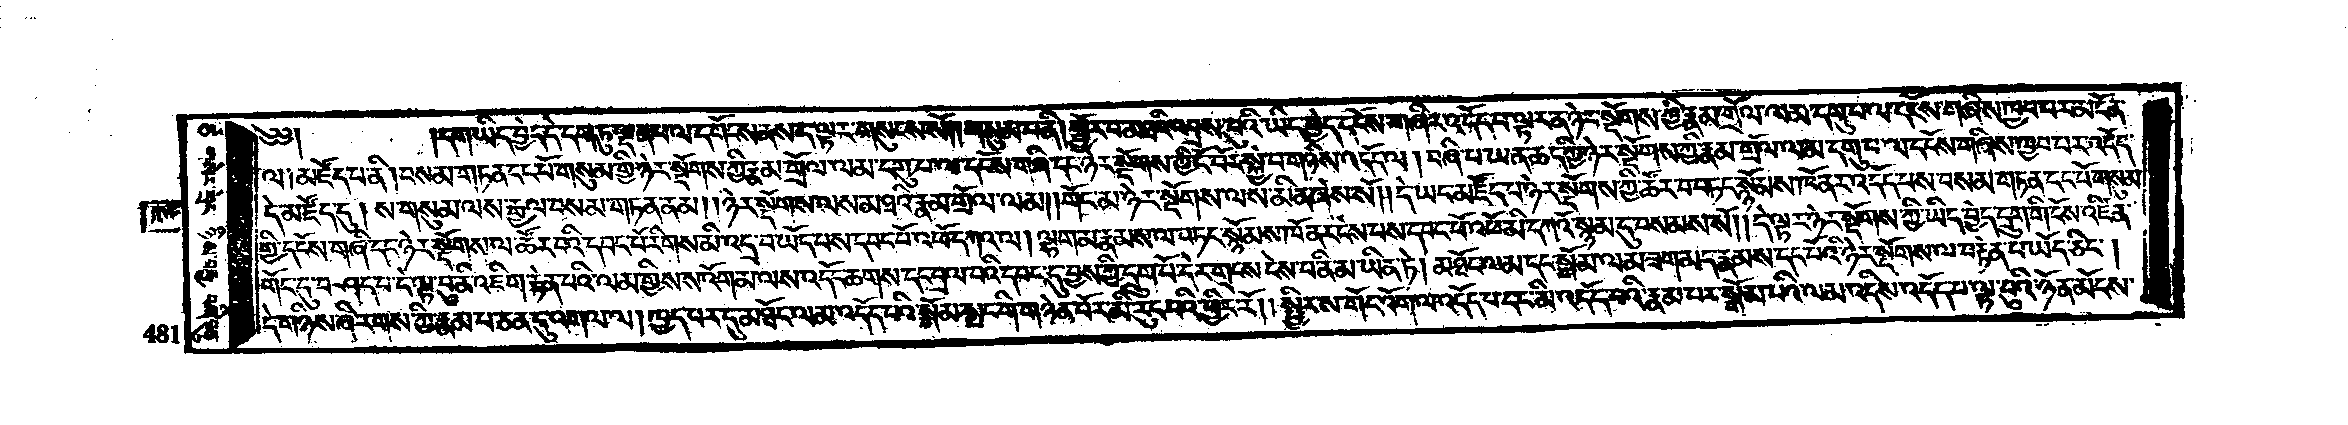༄༅། །དག་ཡིད་བྱེད་དེ་དག་ཏུ་ལྡན་པ་ལ་དགོངས་ནས་ད་ལྟར་གསུངས་སོ། །གསུམ་པ་ནི། སྦྱོར་བ་མཐའི་འབྲས་བུའི་ཡིད་བྱེད་དངོས་གཞིར་འདོད་པ་ལྟར་ན་ཉེར་སྡོགས་ཀྱི་རྣམ་གྲོལ་ལམ་དགུ་པ་ལ་དངོས་གཞིས་ཁྱབ་པར་མངོན་
ལ། མཛོད་པ་ནི། བསམ་གཏན་དང་པོ་གསུམ་གྱི་ཉེར་སྡོགས་ཀྱི་རྣམ་གྲོལ་ལམ་དགུ་པ་ལ་དངོས་གཞི་དང་ཉེར་སྡོགས་ཀྱི་ངོ་བོར་སྐྱེ་བ་གཉིས་འདོད་ལ། བཞི་པ་ཡན་ཆད་ཀྱི་ཉེར་སྡོགས་ཀྱི་རྣམ་གྲོལ་ལམ་དགུ་པ་ལ་དངོས་གཞིས་ཁྱབ་པར་འདོད་
དེ་མཛོད་དུ། ས་གསུམ་ལས་རྒྱལ་བསམ་གཏན་ནམ། །ཉེར་སྡོགས་ལས་མཐའི་རྣམ་གྲོལ་ལམ། །གོང་མ་ཉེར་སྡོགས་ལས་མིན་ཞེས་སོ། །དེ་ཡང་མཛོད་པ་ཉེར་སྡོགས་ཀྱི་ཚོར་བ་བཏང་སྙོམས་ཁོ་ནར་འདོད་པས་བསམ་གཏན་དང་པོ་གསུམ་
གྱི་དངོས་གཞི་དང་ཉེར་སྡོགས་ལ་ཚོར་བའི་དབང་པོ་རིགས་མི་འདྲ་བ་ཡོད་པས་དབང་པོ་འཕོ་དཀའ་ལ། ལྷག་མ་རྣམས་ལ་བཏང་སྙོམས་ཁོ་ནར་ངེས་པས་དབང་པོ་འཕོ་མི་དཀའོ་སྙམ་དུ་བསམས་སོ། །དེ་ལྟར་ཉེར་སྡོགས་ཀྱི་ཡིད་བྱེད་དྲུག་གི་ངོས་འཛིན་
གོང་དུ་བཤད་པ་དེ་ལྟ་བུ་ནི་འཇིག་རྟེན་པའི་ལམ་གྱིས་ས་འོག་མ་ལས་འདོད་ཆགས་དང་བྲལ་བའི་དབང་དུ་བྱས་ཀྱི་དྲུག་པོ་དེར་གྲངས་ངེས་པ་ནི་མ་ཡིན་ཏེ། མཐོང་ལམ་དང་སྒོམ་ལམ་ཟག་མེད་རྣམས་དང་པོའི་ཉེར་སྡོགས་ལ་བརྟེན་པ་ཡོད་ཅིང་།
དེ་གཉིས་ཞི་རགས་ཀྱི་རྣམ་པ་ཅན་དུ་འགལ་ལ། ཁྱད་པར་དུ་མཐོང་ལམ་འདོད་པའི་སྒོམ་སྤང་གི་གཉེན་པོར་མི་རུང་བའི་ཕྱིར་རོ། །སྤྱིར་ས་གོང་འོག་ལ་འདོད་པ་དང་མི་འདོད་པའི་རྣམ་པར་སྒོམ་པའི་ལམ་འདིས་འདོད་པ་ལྟ་བུའི་ཉོན་མོངས་